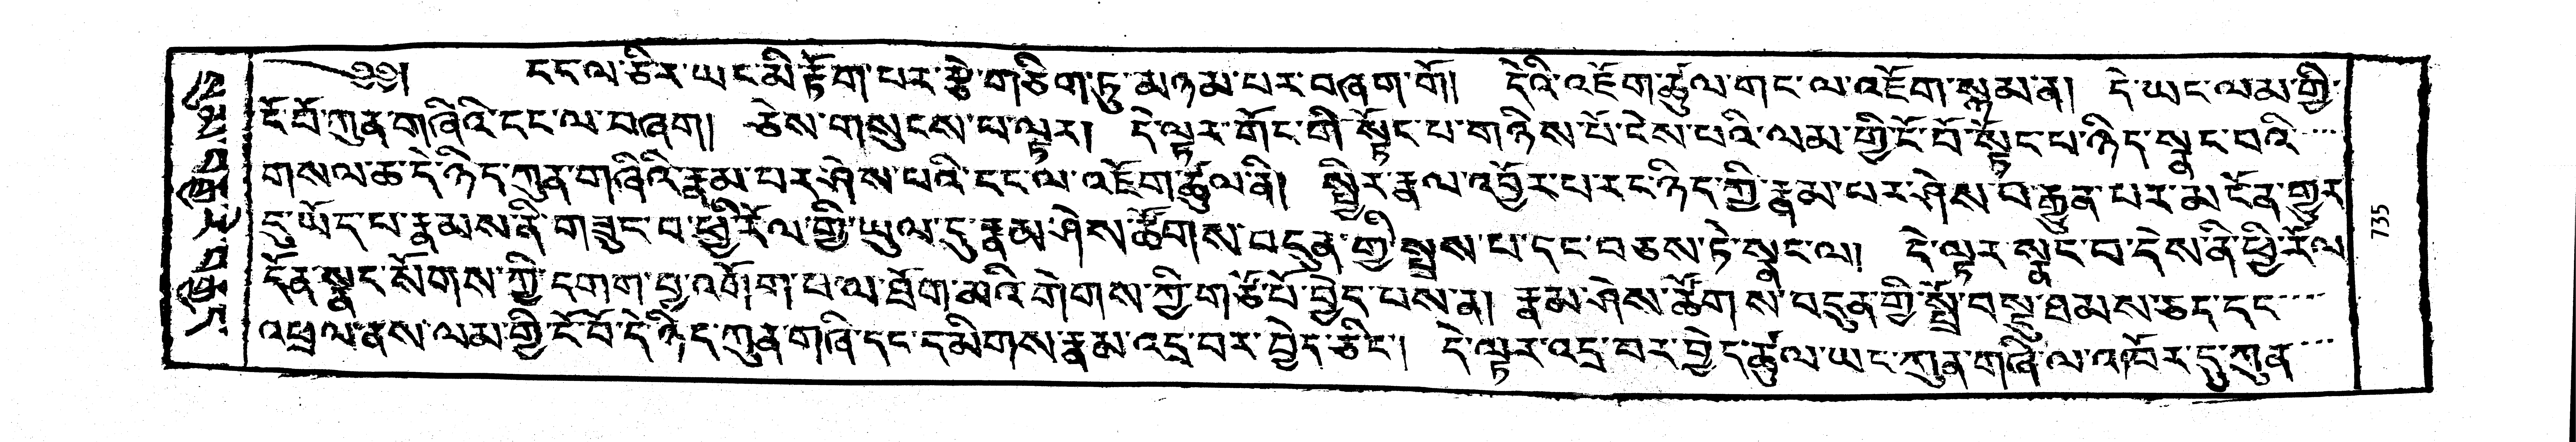༄༅། །ངང་ལ་ཅིར་ཡང་མི་རྟོག་པར་རྩེ་གཅིག་ཏུ་མཉམ་པར་བཞག་གོ། དེའི་འཇོག་ཚུལ་གང་ལ་འཇོག་སྙམ་ན། དེ་ཡང་ལམ་གྱི་
ངོ་བོ་ཀུན་གཞིའི་ངང་ལ་བཞག། ཅེས་གསུངས་པ་ལྟར། དེ་ལྟར་གོང་གི་སྟོང་པ་གཉིས་པོ་ངེས་པའི་ལམ་གྱི་ངོ་བོ་སྟོང་པ་ཉིད་སྣང་བའི་
གསལ་ཆ་དེ་ཉིད་ཀུན་གཞིའི་རྣམ་པར་ཤེས་པའི་ངང་ལ་འཇོག་ཚུལ་ནི། སྤྱིར་རྣལ་འབྱོར་པ་རང་ཉིད་ཀྱི་རྣམ་པར་ཤེས་པ་རྒྱུན་པར་མངོན་གྱུར་
དུ་ཡོད་པ་རྣམས་ནི་གཟུང་བ་ཕྱི་རོལ་གྱི་ཡུལ་དུ་རྣམ་ཤེས་ཚོགས་བདུན་གྱི་སྤྲས་པ་དང་བཅས་ཏེ་སྣང་ལ། དེ་ལྟར་སྣང་བ་དེས་ནི་ཕྱི་རོལ་
དོན་སྣང་སོགས་ཀྱི་དགག་བྱ་འགོག་པ་ལ་ཐོག་མའི་གེགས་ཀྱི་གཙོ་བོ་བྱེད་པས་ན། རྣམ་ཤེས་ཚོགས་བདུན་གྱི་སྤྲོ་བསྡུ་ཐམས་ཅད་དང་
འཕྲལ་ནས་ལམ་གྱི་ངོ་བོ་དེ་ཉིད་ཀུན་གཞི་དང་དམིགས་རྣམ་འདྲ་བར་བྱེད་ཅིང་། དེ་ལྟར་འདྲ་བར་བྱེད་ཚུལ་ཡང་ཀུན་གཞི་ལ་འཁོར་དུ་ཀུན་